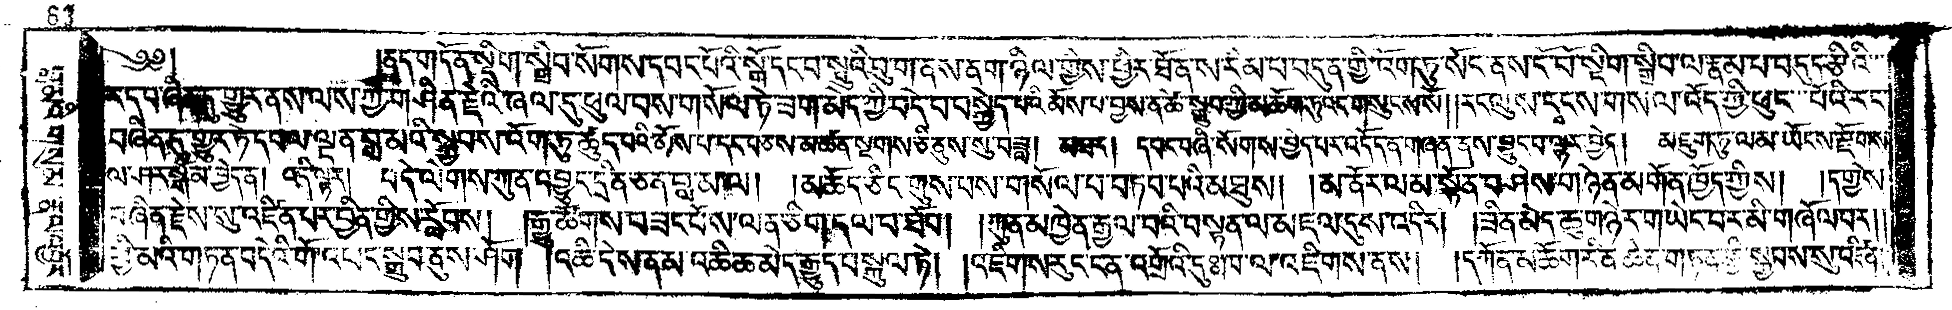༄༅། །ནད་གདོན་སྡིག་སྒྲིབ་སོགས་དབང་པོའི་སྒོ་དང་བ་སྤུའི་བུ་ག་ནས་ནག་ཉིལ་གྱིས་ཕྱིར་ཐོན་ས་རིམ་པ་བདུན་གྱི་འོག་ཏུ་སོང་ནས་ངོ་བོ་སྡིག་སྒྲིབ་ལ་རྣམ་པ་བདུད་རྩིའི་
རང་བཞིན་དུ་གྱུར་ནས་ལས་ཀྱི་གཤིན་རྗེའི་ཞལ་དུ་ཕུལ་བས་གསོལ་ཏེ་ཟག་མེད་ཀྱི་བདེ་བ་བསྐྱེད་པའི་མོས་པ་བྱས་ན་ཚེ་སྒྲུབ་ཀྱི་མཆོག་ཏུའང་གསུངས་སོ། ། རང་ལུས་དྭངས་གསལ་འོད་ཀྱི་ཕུང་པོའི་རང་
བཞིན་དུ་གྱུར་ཏེ་དཔལ་ལྡན་བླ་མའི་སྐྱབས་འོག་ཏུ་ཚུད་པའི་མོས་པ་དང་བཅས་མཚན་སྔགས་ཅི་ནུས་སུ་བཟླ། མཐར། དབང་བཞི་སོགས་བྱེད་པར་འདོད་ན་གཞན་ནས་བྱུང་བ་ལྟར་བྱེད། མཇུག་ཏུ་ལམ་ཡོངས་རྫོགས་
ལ་ཤར་སྒོམ་བྱེད་ན། འདི་ལྟར། བདེ་ལེགས་ཀུན་འབྱུང་དྲིན་ཅན་བླ་མ་ལ། །མཆོད་ཅིང་གུས་པས་གསོལ་བ་བཏབ་པའི་མཐུས། །མ་ནོར་ལམ་སྟོན་བཤེས་གཉེན་མགོན་ཁྱོད་ཀྱིས། །དགྱེས་
བཞིན་རྗེས་སུ་འཛིན་པར་བྱིན་གྱིས་རློབས། །རྒྱུ་ཚོགས་བཟང་པོས་ལན་ཅིག་དལ་བ་ཐོབ། །ཀུན་མཁྱེན་རྒྱལ་བའི་བསྟན་ལ་མཇལ་དུས་འདིར། །ཟིན་མེད་ཆུ་གཉེར་གཡེང་བར་མི་གཞོལ་བར། །
ཕྱི་མའི་གཏན་བདེའི་གོ་འཕང་སྒྲུབ་ནུས་ཤོག །འཆི་ངེས་ནམ་འཆི་ཆ་མེད་རྒྱུད་བསྐུལ་ཏེ། །འཇིགས་རུང་ངན་འགྲོའི་དུཿ ཁ་ལ་འཇིགས་ནས། །དཀོན་མཆོག་རིན་ཆེན་གཏན་གྱི་སྐྱབས་སུ་འཛིན། །